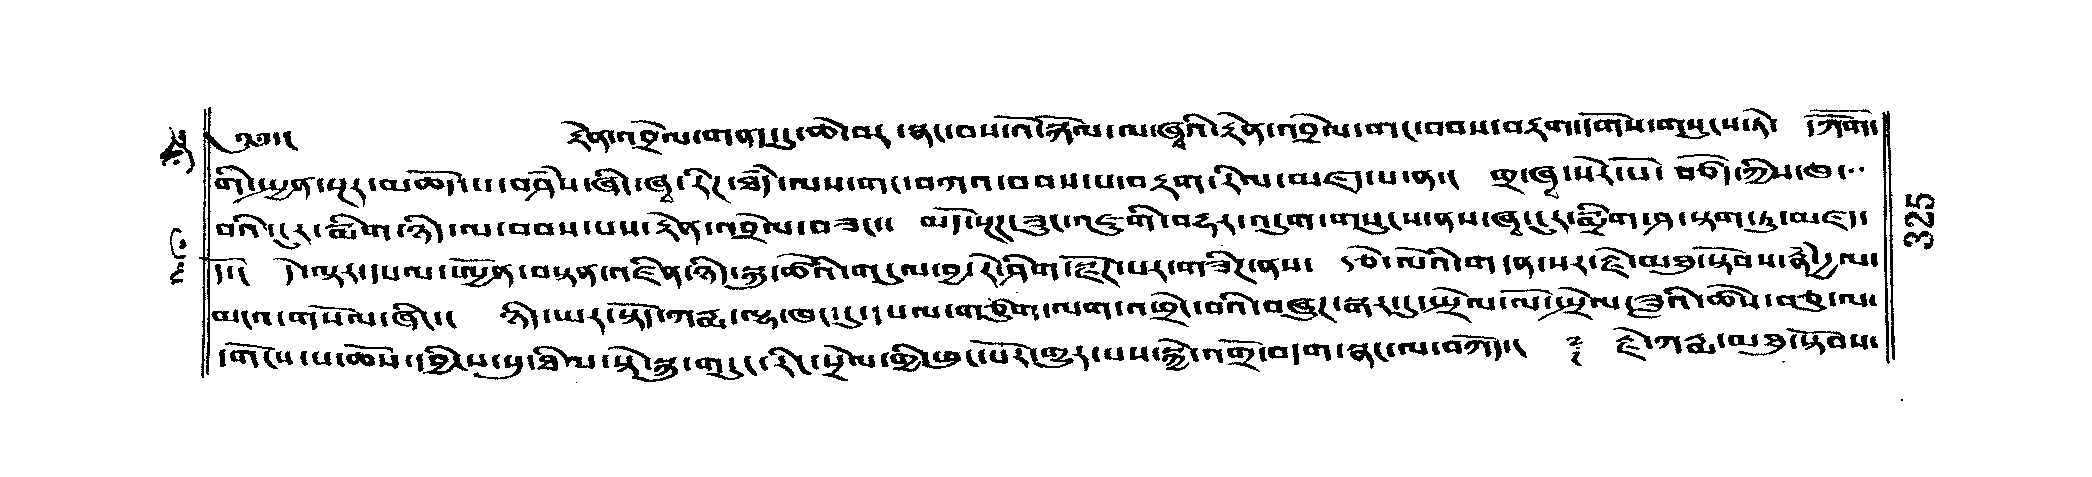རྟེན་འབྲེལ་གནད་དུ་ཆེ་བར་སྣང་བས་འོ་སྐོལ་ལ་ཞྭའི་རྟེན་འབྲེལ་གང་བབས་བརྟག་དགོས་གསུངས་ཏེ། དཀོན་མཆོག་
གི་སྤྱན་སྔར་མཆོད་པ་བཤམས་ཞིང་ཞྭ་རིགས་ཐམས་ཅད་ལས་གང་བཀའ་བབས་པ་བརྟག་རིལ་མཛད་པ་ན། གྲ་ཞྭ་སེར་པོ་བཙོད་ཀྱིས་ཁ་
བའི་ངུར་སྨྲིག་ཉིད་ལ་བབས་པས་རྟེན་འབྲེལ་བཟང་། མདོ་སྔགས་ཟུང་འཇུག་གི་བརྡར་འདུག་གསུངས་ནས་ཞྭ་ངུར་སྨྲིག་ཤ་སྟག་ཏུ་མཛད་
དོ། དེ་ལྟར་དཔལ་ཨོ་རྒྱན་བསྟན་འཛིན་ཉིད་སྐུ་ཚེའི་གདུལ་བྱ་རེ་ཤིག་རྫོགས་པར་གཟིགས་ནས། རྩེ་ལེའི་གདན་སར་རྗེ་མཐུ་སྟོབས་རྣམ་རྒྱལ་
མངའ་གསོལ་ཞིང་། ཉིད་ཡང་སྟོད་ཀརྨ་ལྷ་ཁང་དུ་དཔལ་གཙུག་ལག་འཕྲེང་བའི་བཞུགས་སྒར་དུ་སྤྲེལ་ལོ་སྤྲེལ་ཟླའི་ཚེས་བཅུ་ལ་
དགོངས་པ་ཆོས་དབྱིངས་སུ་ཐིམ་སྟེ་སྐུ་གདུང་རིང་སྲེལ་གྱི་ཕུང་པོར་གྱུར་པས་སྐྱེ་འགྲོ་དག་སྣང་ལ་བཀོད། ༈ རྗེ་ཀརྨ་མཐུ་སྟོབས་